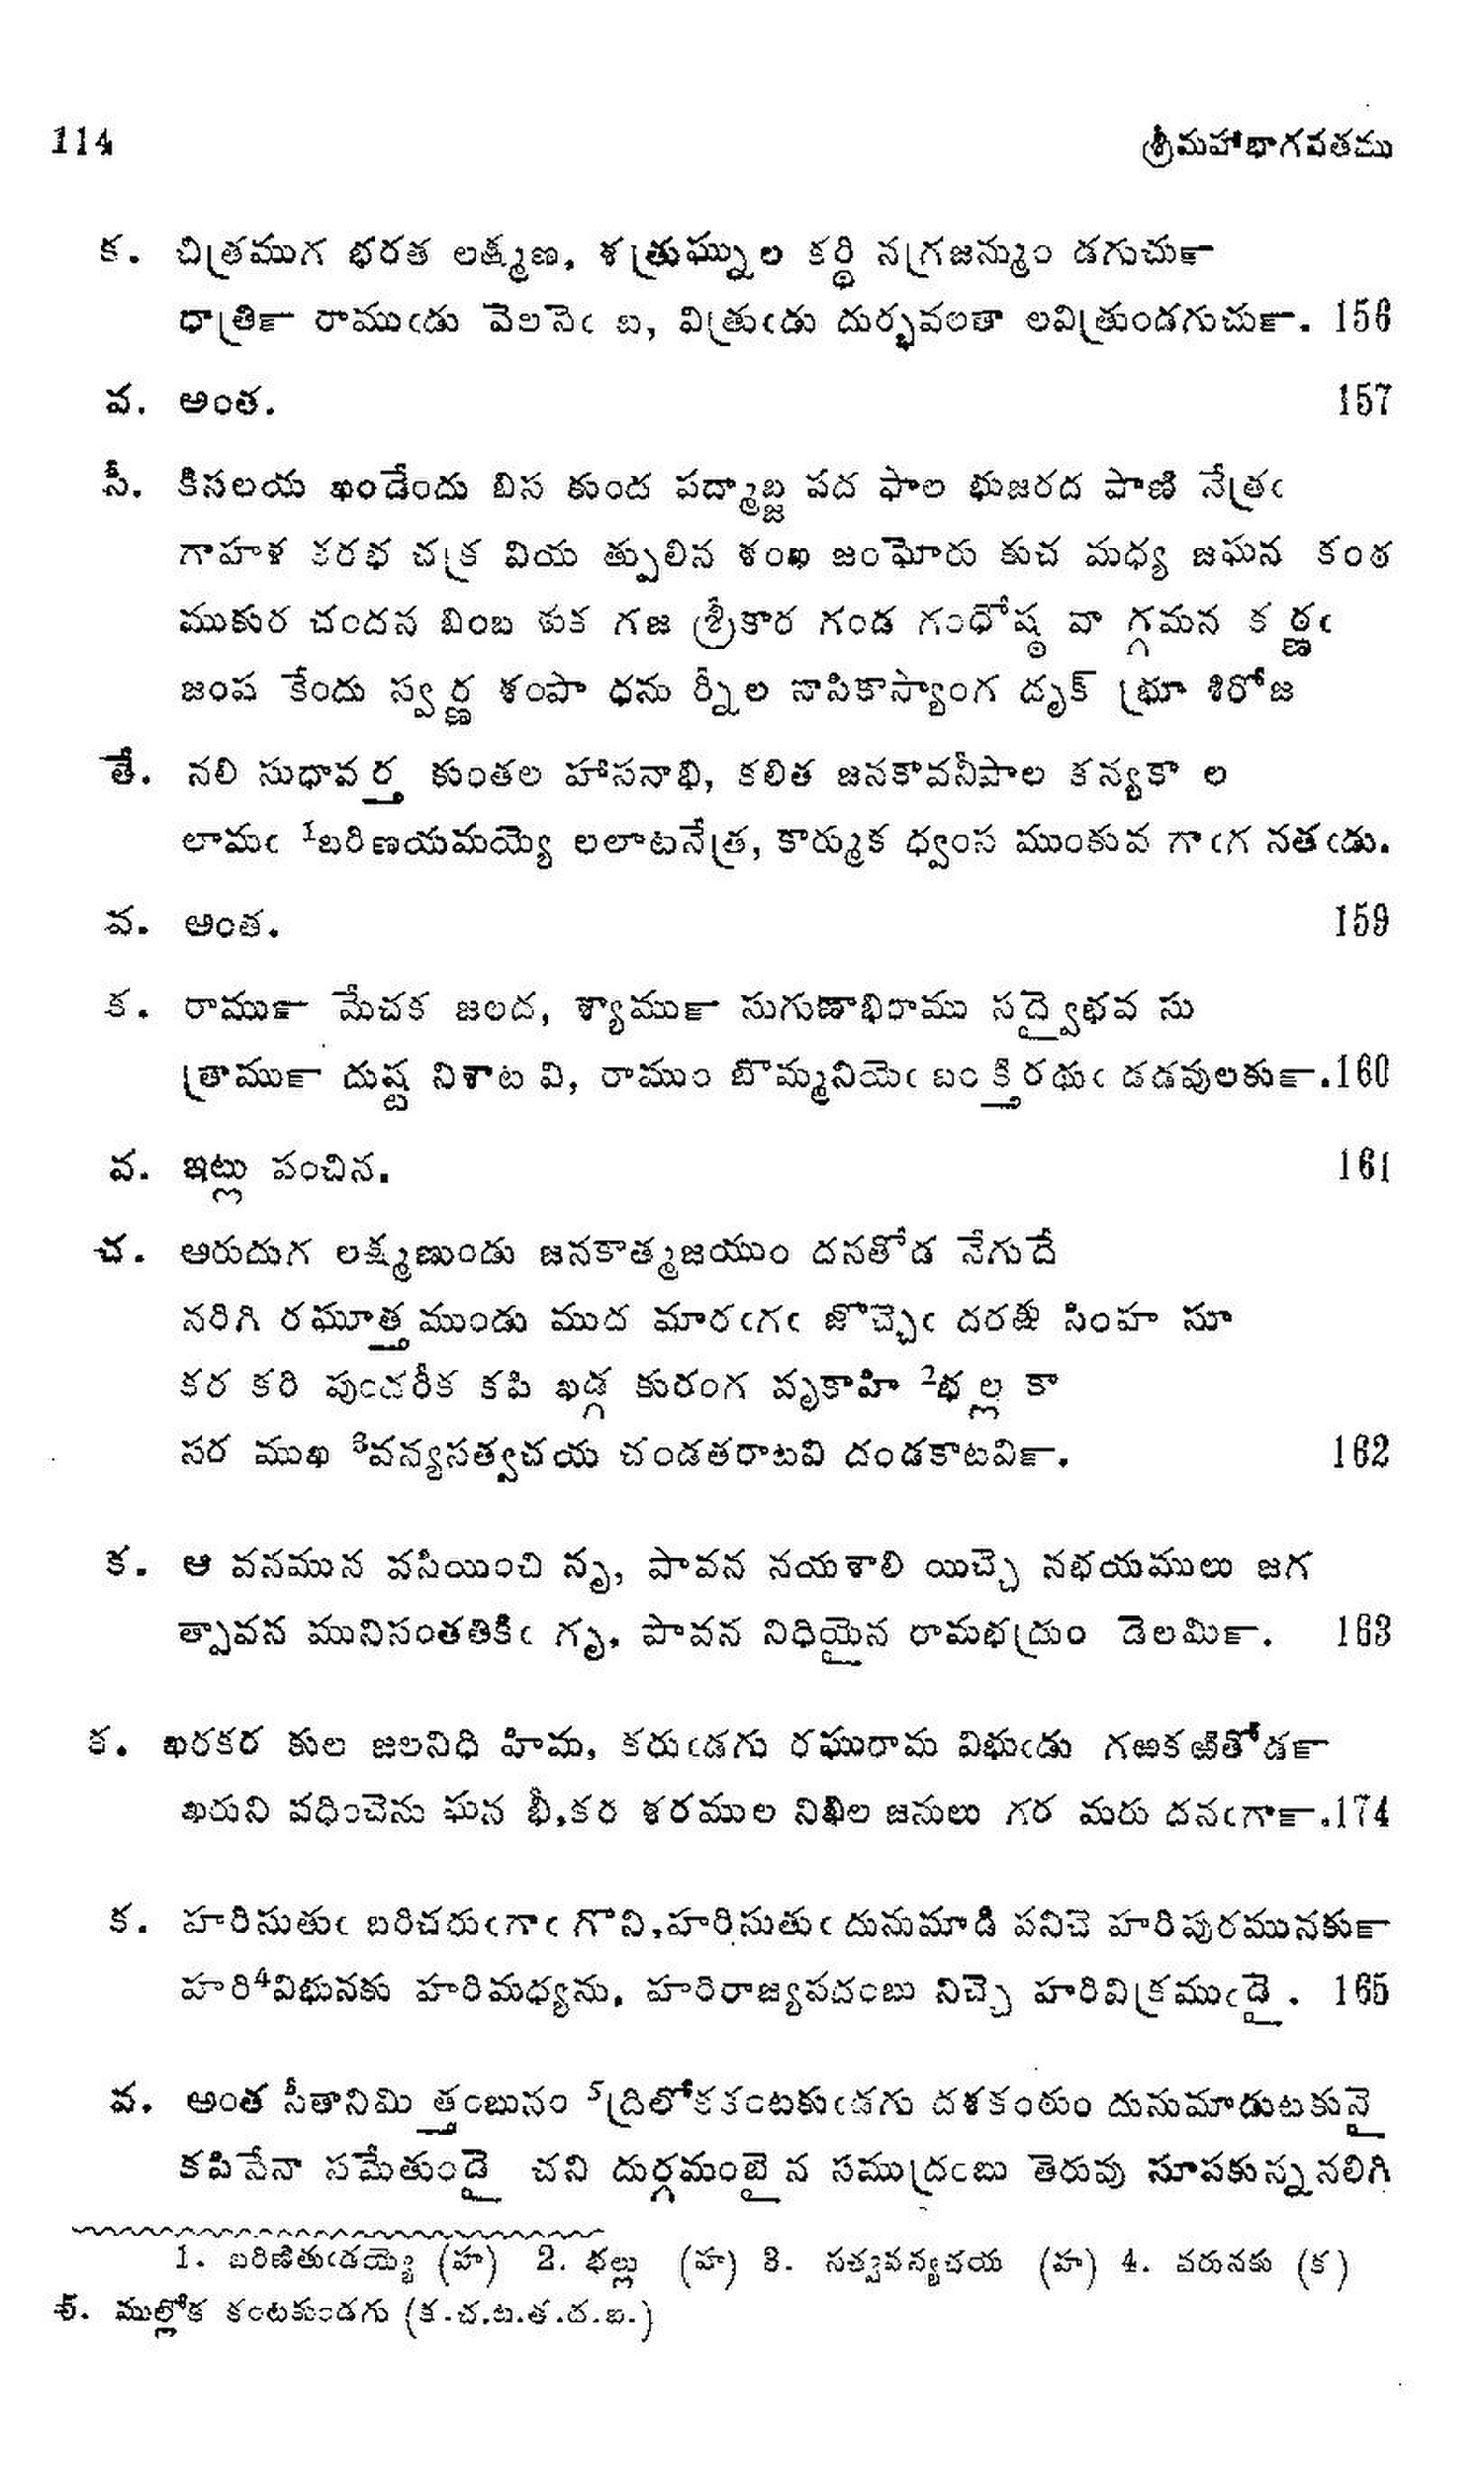114

క. చిత్రముగ భరత లక్ష్మణ, శత్రుఘ్నుల కర్థి నగ్రజన్ముం డగుచున్

ధాత్రిన్ రాముఁడు వెలసెఁబ, విత్రుఁడు దుర్భవలతా లవిత్రుండగుచున్ ( 156 )

వ. అంత ( 157 )

సీ. కిసలయ ఖండేందు బిస కుంద పద్మాబ్జ పద ఫాల భుజరద పాణి నేత్రఁ

గాహళ కరభ చక్ర వియ త్పులిన శంఖ జంఘేరు కుచ మధ్య జఘన కంఠ

ముకుర చందన బింబ శుక గజ శ్రీకార గండ గంధోష్ఠ వా గ్గమన కర్ణఁ

జంప కేందు స్వర్ణ శంపా ధను ర్నీల నాసికాస్యాంగ దృక్ భ్రూ శిరోజ

తే. నలి సుధావర్త కుంతల హాసనాభి, కలిత జనకావనీపాల కన్యకా ల

లామఁ బరిణయమయ్యె లలాటనేత్ర, కార్ముక ధ్వంస ముంకువ గాఁగ నతఁడు. ( 158 )

వ. అంత ( 159 )

క. రామున్ మేచక జలద, శ్యామున్ సుగుణాభిరాము సద్వైభవ సు 

త్రామున్ దుష్ట నిశాట వి, రాముం బొమ్మనియెఁ బం క్తిరథుఁ డడవులకున్. ( 160 )

వ. ఇట్లు పంచిన, ( 161 ) 

చ. అరుదుగ లక్ష్మణుండు జనకాత్మ జయుం దనతోడ నేగుదే

నరిగి రఘూత్తముండు ముద మారఁగఁ జొచ్చెఁ దరక్షు సింహ సూ

కర కరి పుండరీక కపి ఖడ్గ కురంగ వృకాహి భల్ల కా

సర ముఖ వస్యసత్వచయ చండతరాటవి దండకాటవిన్. ( 162 )

క. ఆ వనమున వసియించి నృ, పావన నయశాలి యిచ్చెనభయములు జగ

త్పావన మునిసంతతికిఁ గృ, పావన నిధియైన రామభద్రుం డెలమిన్. ( 163 )

క. ఖర కర కుల జలనిధి హిమ, కరుఁడగు రఘురామ విభుఁడు గఱకఱితోడన్

ఖరుని వధించెను ఘన భీ, కర శరముల నిఖిల జనులు గర మరు దనఁగాన్. ( 164 )

క. హరిసుతుఁ బరిచరుఁగాఁ గొని, హరిసుతుఁ దునుమాడి పనిచె హరిపురమునకున్

హరి విభునకు హరిమధ్యను, హరిరాజ్యపదంబు నిచ్చె హరివిక్రముఁడై ( 165 )

వ. అంత సీతానిమిత్తంబునం ద్రిలోకకంటకుఁడగు దశకంఠుం దునుమాడుటకునై

కపిసేనా సమేతుండై చని దుర్గమంబైన సముద్రంబు తెరువు సూపకున్న నలిగి. ( 166 )